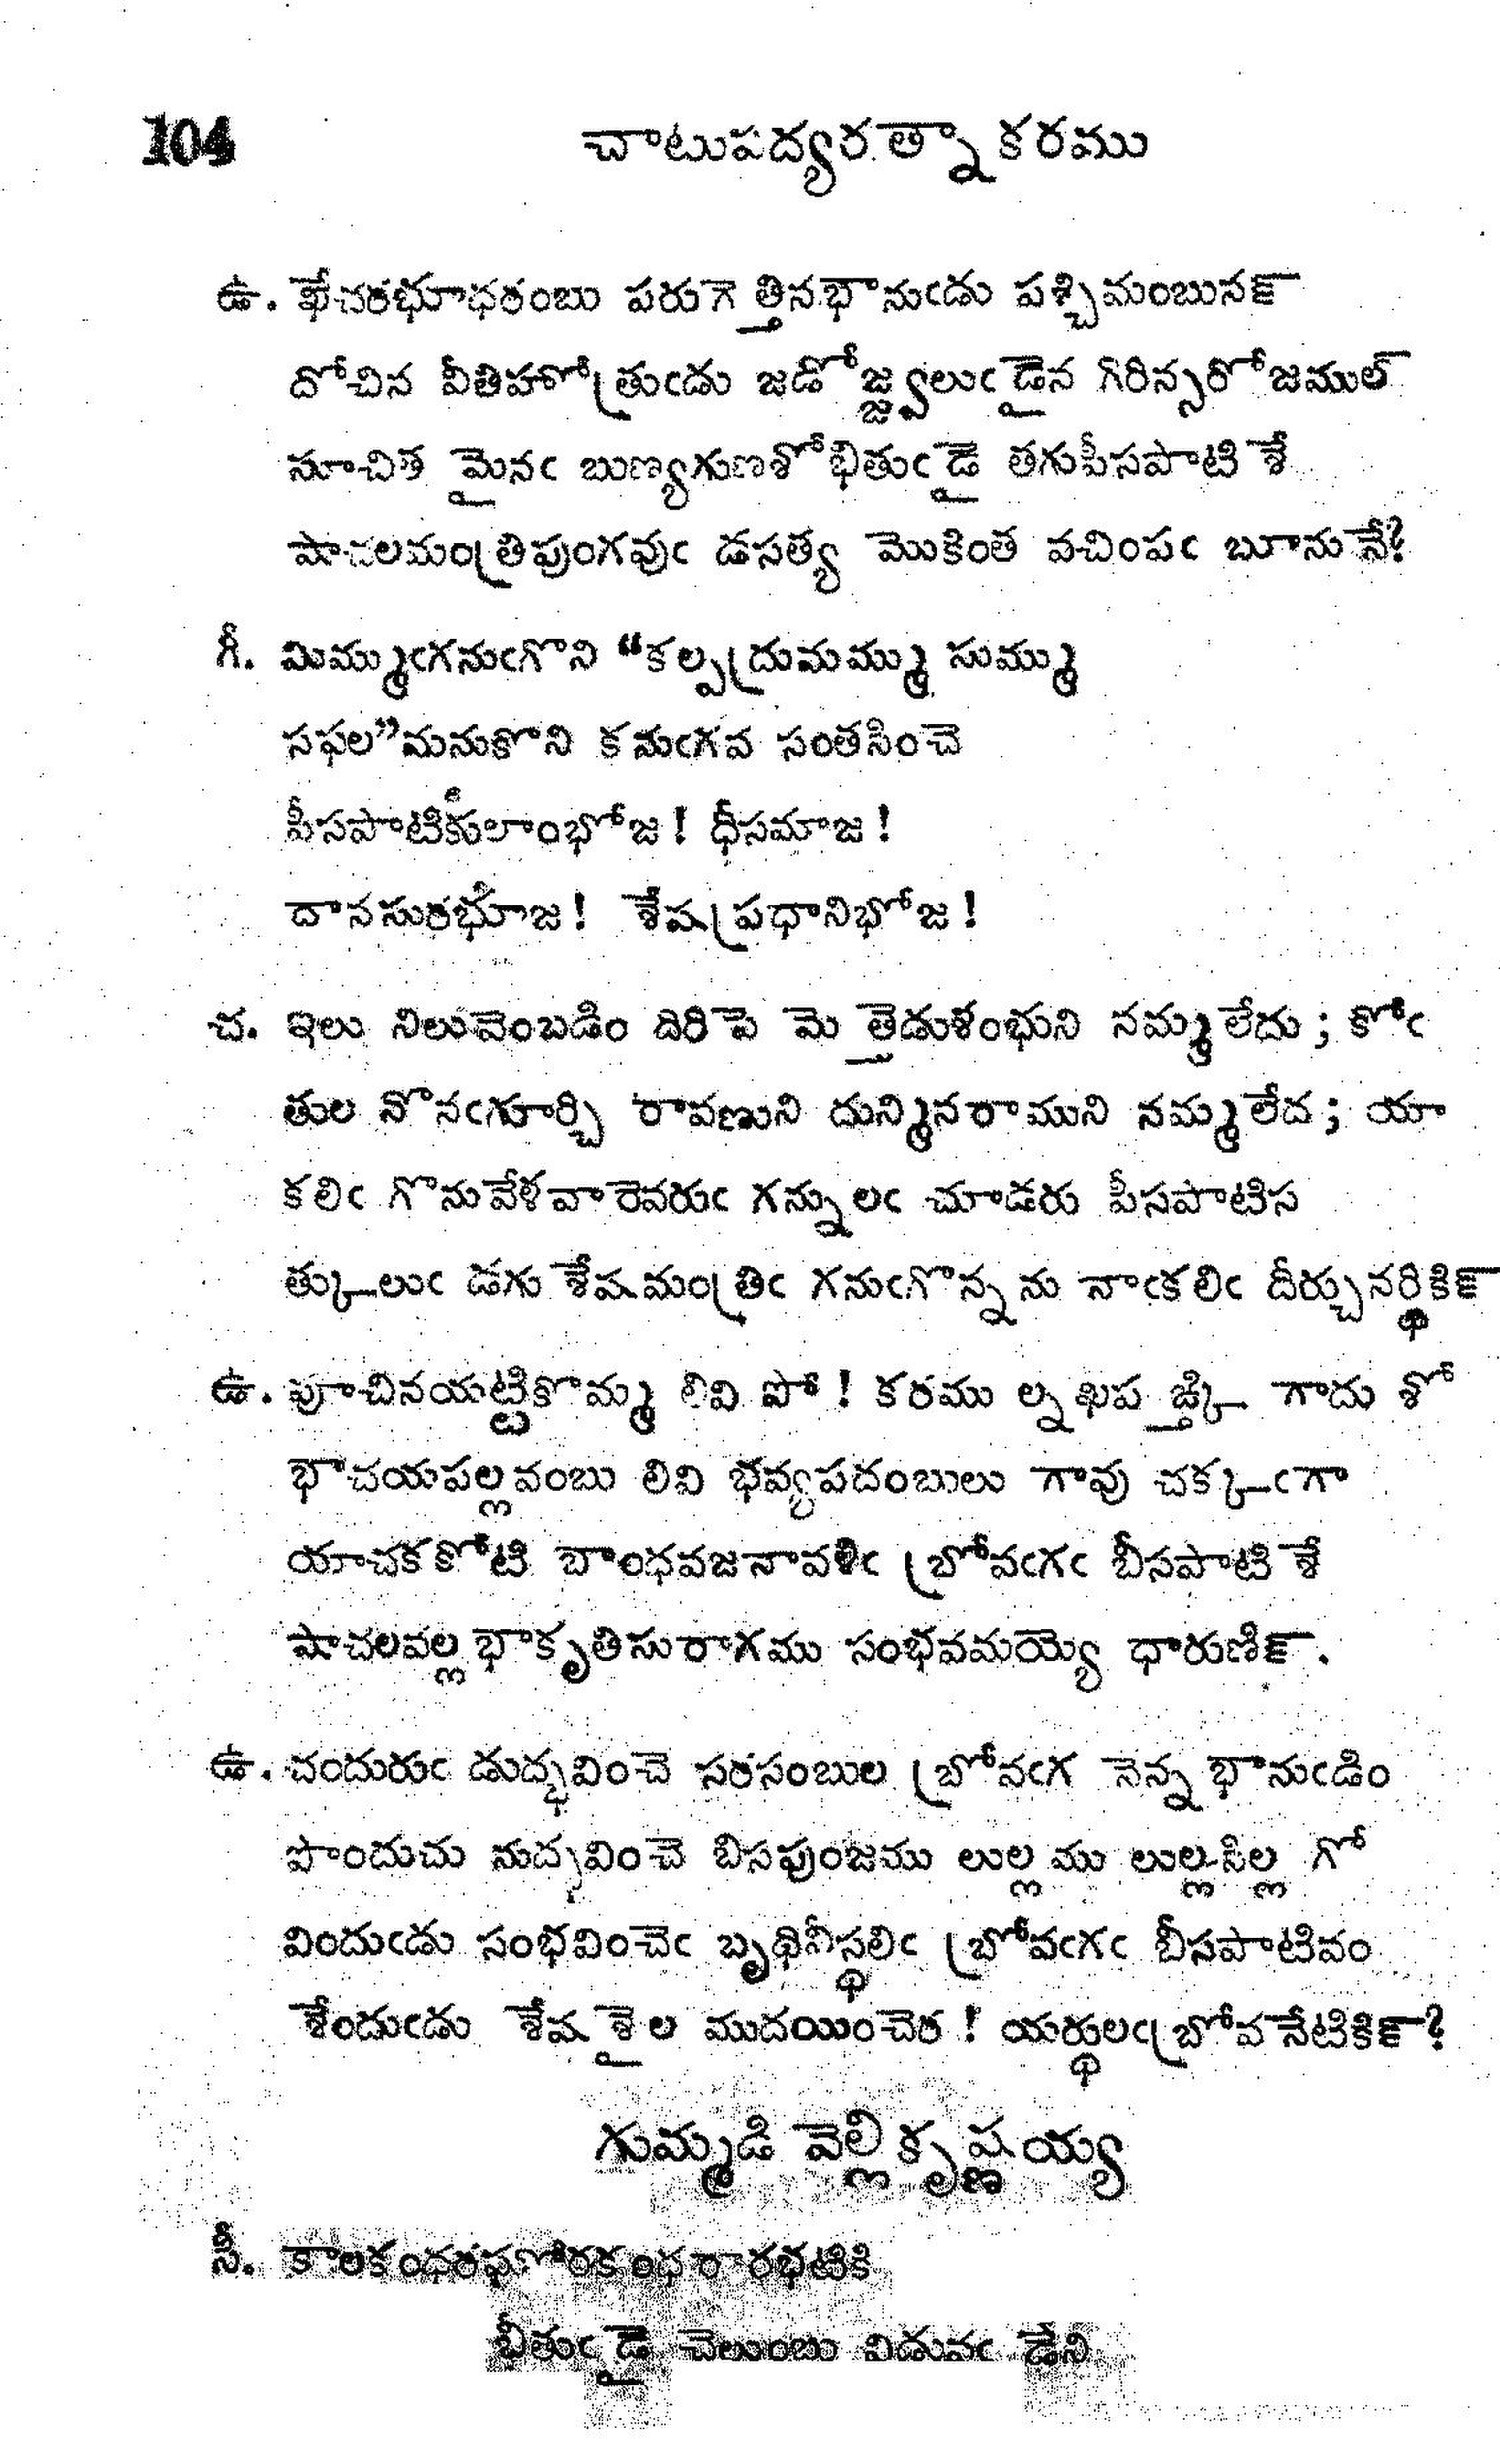ఉ. ఖేచరభూధరంబు పరుగెత్తినభానుఁడు పశ్చిమంబునన్
 దోచిన వీతిహోత్రుఁడు జడోజ్జ్వలుఁడైన గిరిన్సరోజముల్
 సూచిత మైనఁ బుణ్యగుణశోభితుఁడై తగు పీసపాటి శే
 షాచలమంత్రిపుంగవుఁ డసత్య మొకింత వచింపఁ బూనునే?

గీ. మిమ్ముఁ గనుఁగొని “కల్పద్రుమమ్ము సుమ్ము
 సఫల” మనుకొని కనుఁగవ సంతసించె
 పీసపాటికులాంభోజ! ధీసమాజ!
 దానసురభూజ! శేషప్రధానిభోజ!

చ. ఇలు నిలువెంబడిం దిరిపె మెత్తెడుశంభుని నమ్మలేదు; కోఁ
 తుల నొనఁగూర్చి రావణుని దున్మినరాముని నమ్మలేద; యా
 కలిఁ గొనువేళవారెవరుఁ గన్నులఁ చూడరు పీసపాటిస
 త్కులుఁ డగు శేషమంత్రిఁ గనుఁగొన్నను నాఁకలిఁ దీర్చుఁనర్థికిన్.

ఉ. పూచినయట్టికొమ్మలివి పో! కరము ల్నఖపఙ్క్తి గాదు శో
 భాచయపల్లవంబు లివి భవ్యపదంబులు గావు చక్కఁగా
 యాచకకోటి బాంధవజనావళిఁ బ్రోవఁగఁ బీసపాటి శే
 షాచలవల్లభాకృతిసురాగము సంభవమయ్యె ధారుణిన్.

ఉ. చందురుఁ డుద్భవించె సరసంబుల బ్రోవఁగ నెన్నభానుఁడిం
 పొందుచు నుద్భవించె బిసపుంజము లుల్లము లుల్లసిల్ల గో
 విందుఁడు సంభవించెఁ బృథివీస్థలిఁ బ్రోవఁగఁ బీసపాటివం
 శేందుఁడు శేషశైల ముదయించెర! యర్థులఁ బ్రోవ నేటికిన్?

సీ. కాలకంధరఘోరకంధరారభటికి
 భీతుఁడై చెలువంబు విడుఁవడేని